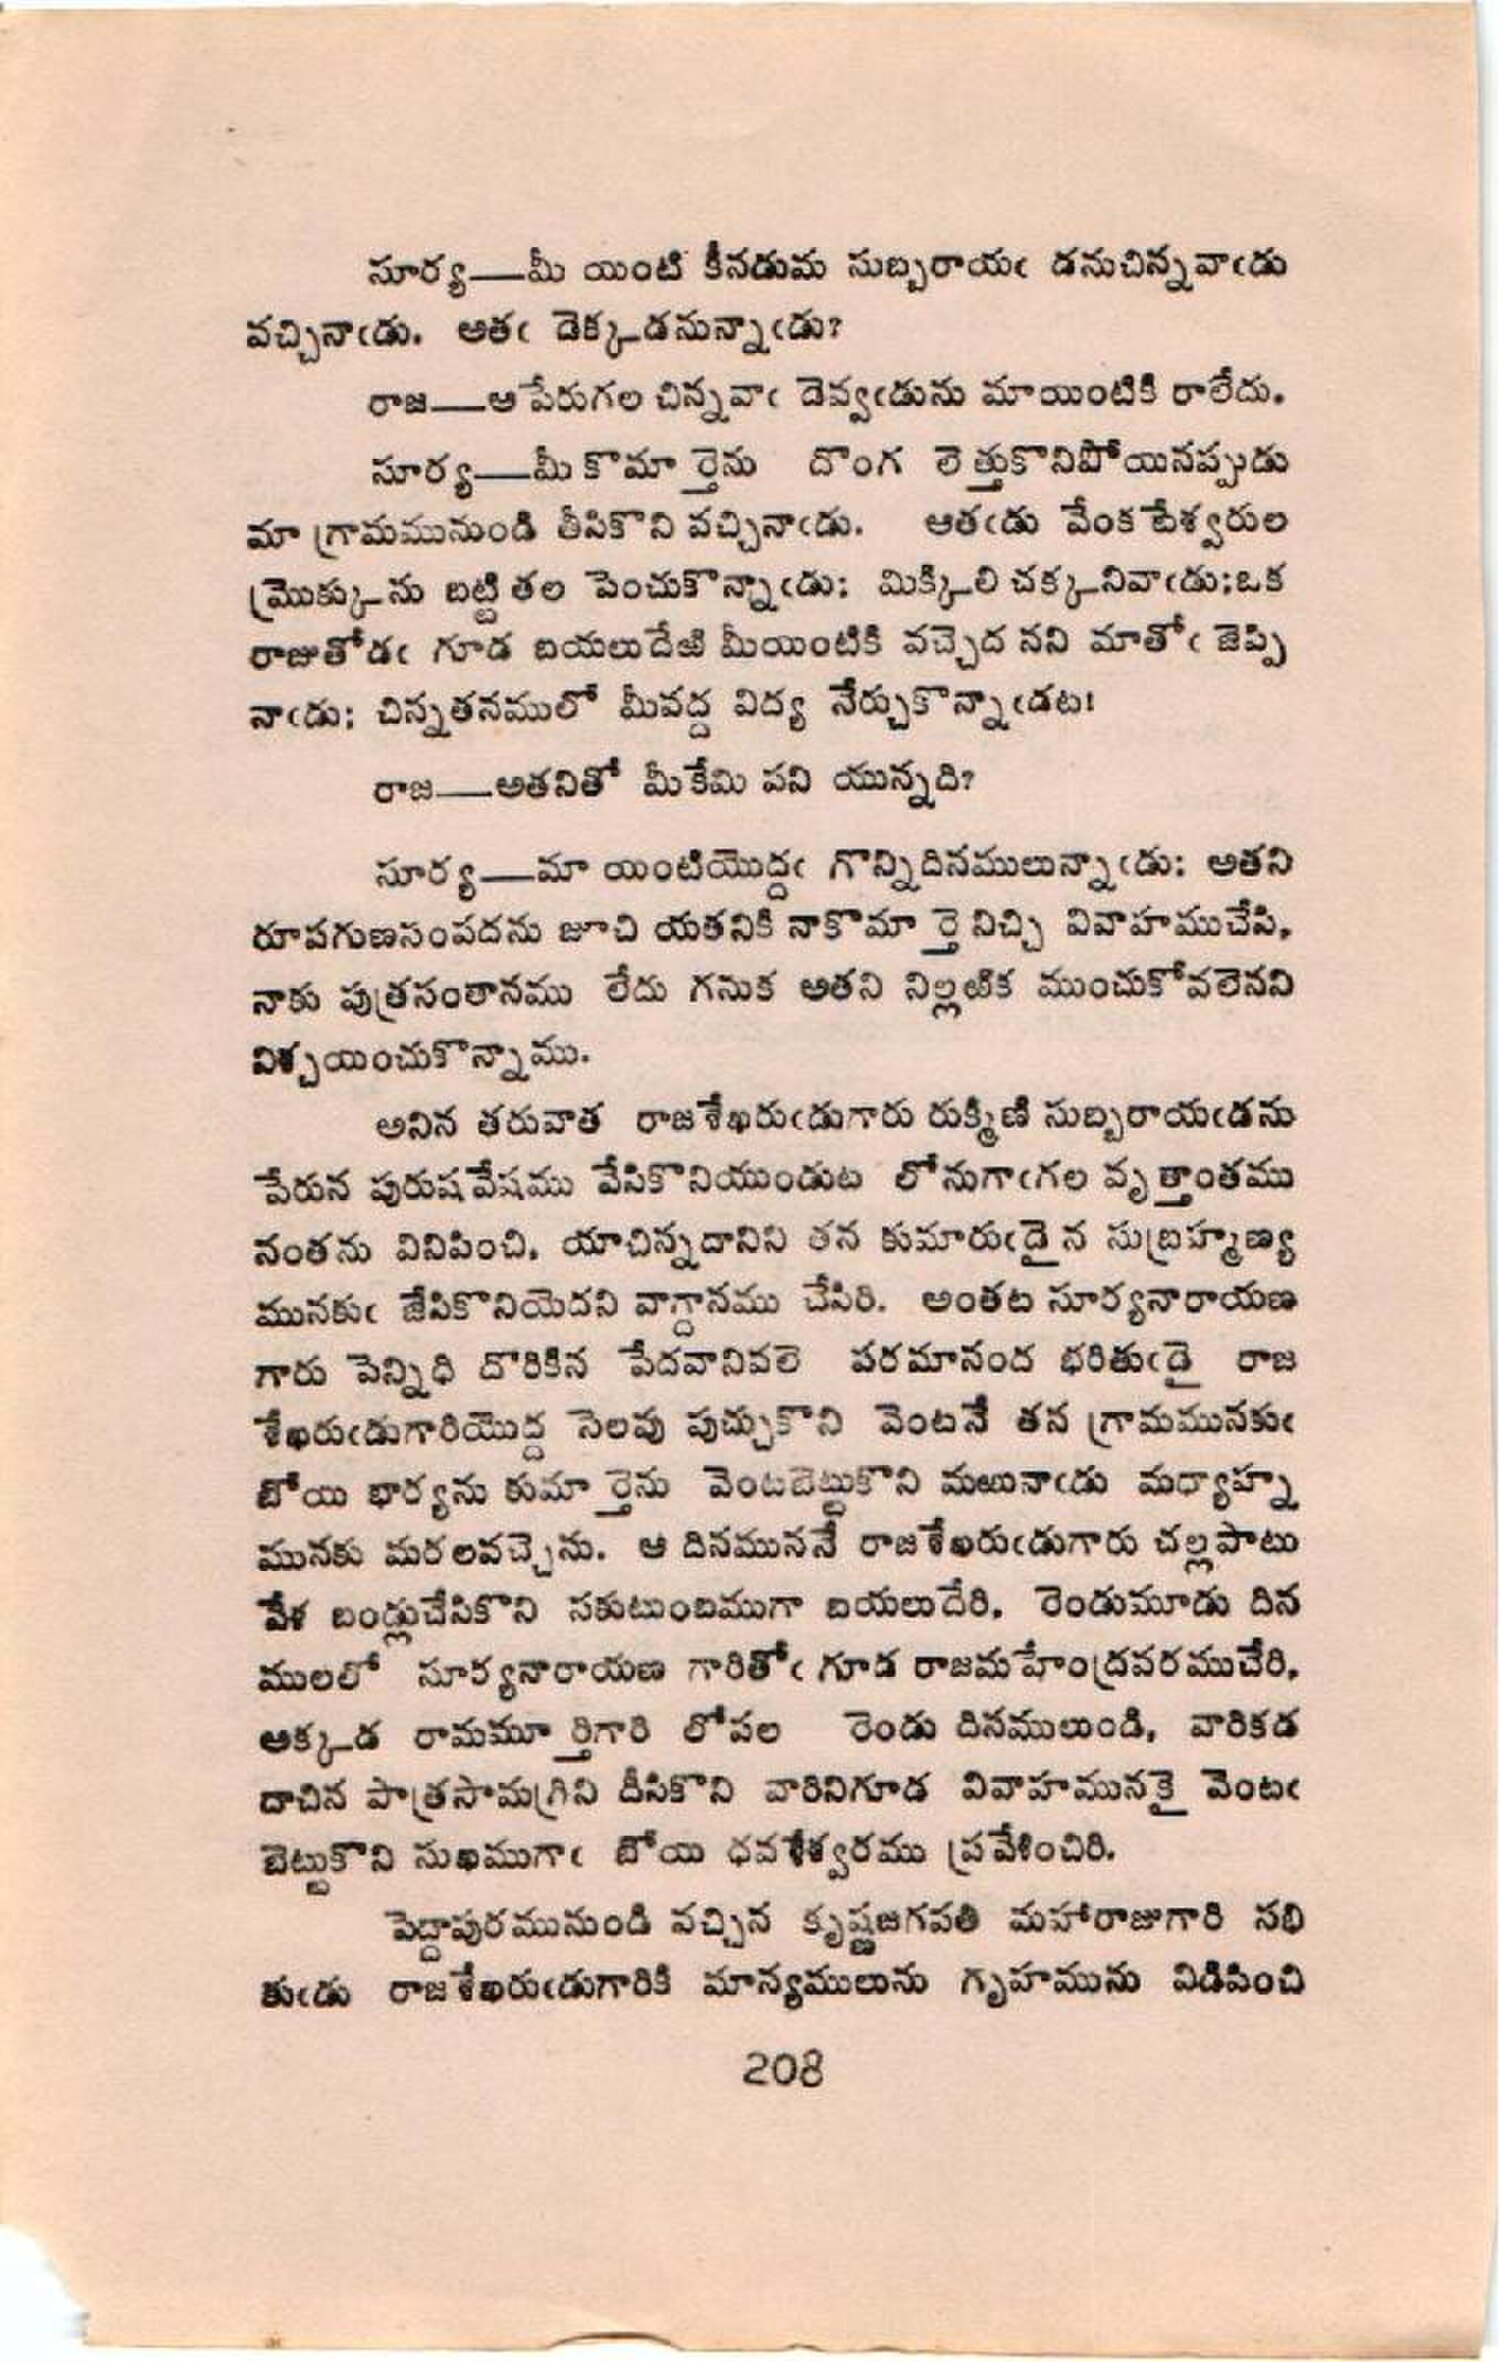సూర్య__మీ యింటి కీనడుమ సుబ్బరాయఁ డనుచిన్నవాఁడు వచ్చినాఁడు అతఁ డెక్కడనున్నాడు?

రాజ__ఆపేరుగల చిన్నవాఁడెవ్వఁడును మాయింటికి రాలేదు.

సూర్య__మీ కొమార్తెను దొంగ లెత్తుకొనిపోయినప్పుడు మా గ్రామమునుండి తీసికొని వచ్చినాఁడు. అతఁడు వేంకటేశ్వరుల మ్రొక్కును బట్టి తల పెంచుకొన్నాఁడు; మిక్కిలి చక్కనివాఁడు;ఒక రాజుతోడఁ గూడ బయలుదేఱి మీయింటికి వచ్చెదనని మాతోఁ జెప్పి నాడు: చిన్నతనములో మీవద్ద విద్య నేర్చుకొన్నాడట!

రాజ__అతనితో మీకేమి పని యున్నది?

సూర్య__మా యింటియొద్ద గొన్నిదినములున్నాఁడు; అతని రూపగుణసంపదను జూచి యతనికి నాకొమార్తె నిచ్చి వివాహముచేసి, నాకు పుత్రసంతానము లేదు గనుక అతని నిల్లఱిక ముంచుకోవలెనని నిశ్చయించుకొన్నాము.

అనిన తరువాత రాజశేఖరుఁడుగారు రుక్మిణి సుబ్బరాయఁడను పేరున పురుషవేషము వేసికొనియుండుట లోనుగాఁగల వృత్తాంతము నంతను వినిపించి, యాచిన్నదానిని తన కుమారుడైన సుబ్రహ్మణ్యమునకు జేసికొనియెదని వాగ్దానము చేసిరి. అంతట సూర్యనారాయణ గారు పెన్నిధి దొరికిన పేదవానివలె పరమానంద భరితుడై రాజశేఖరుడుగారియొద్ద సెలవు పుచ్చుకొని వెంటనే తన గ్రామమునకుఁ బోయి భార్యను కుమార్తెను వెంటబెట్టుకొని మఱునాఁడు మధ్యాహ్న మునకు మరలవచ్చెను. ఆ దినముననే రాజశేఖరుఁడుగారు చల్లపాటు వేళ బండ్లుచేసికొని సకుటుంబముగా బయలుదేరి, రెండుమూడు దిన ములలో సూర్యనారాయణ గారితోఁ గూడ రాజమహేంద్రవరముచేరి, ఆక్కడ రామమూర్తిగారి లోపల రెండు దినములుండి, వారికడ దాచిన పాత్రసామగ్రిని దీసికొని వారినిగూడ వివాహమునకై వెంటఁ బెట్టుకొని సుఖముగాఁ బోయి ధవళేశ్వరము ప్రవేశించిరి.

పెద్దాపురమునుండి వచ్చిన కృష్ణజగపతి మహారాజుగారి సభికుఁడు రాజశేఖరుఁడుగారికి మాన్యములను గృహమును విడిపించి